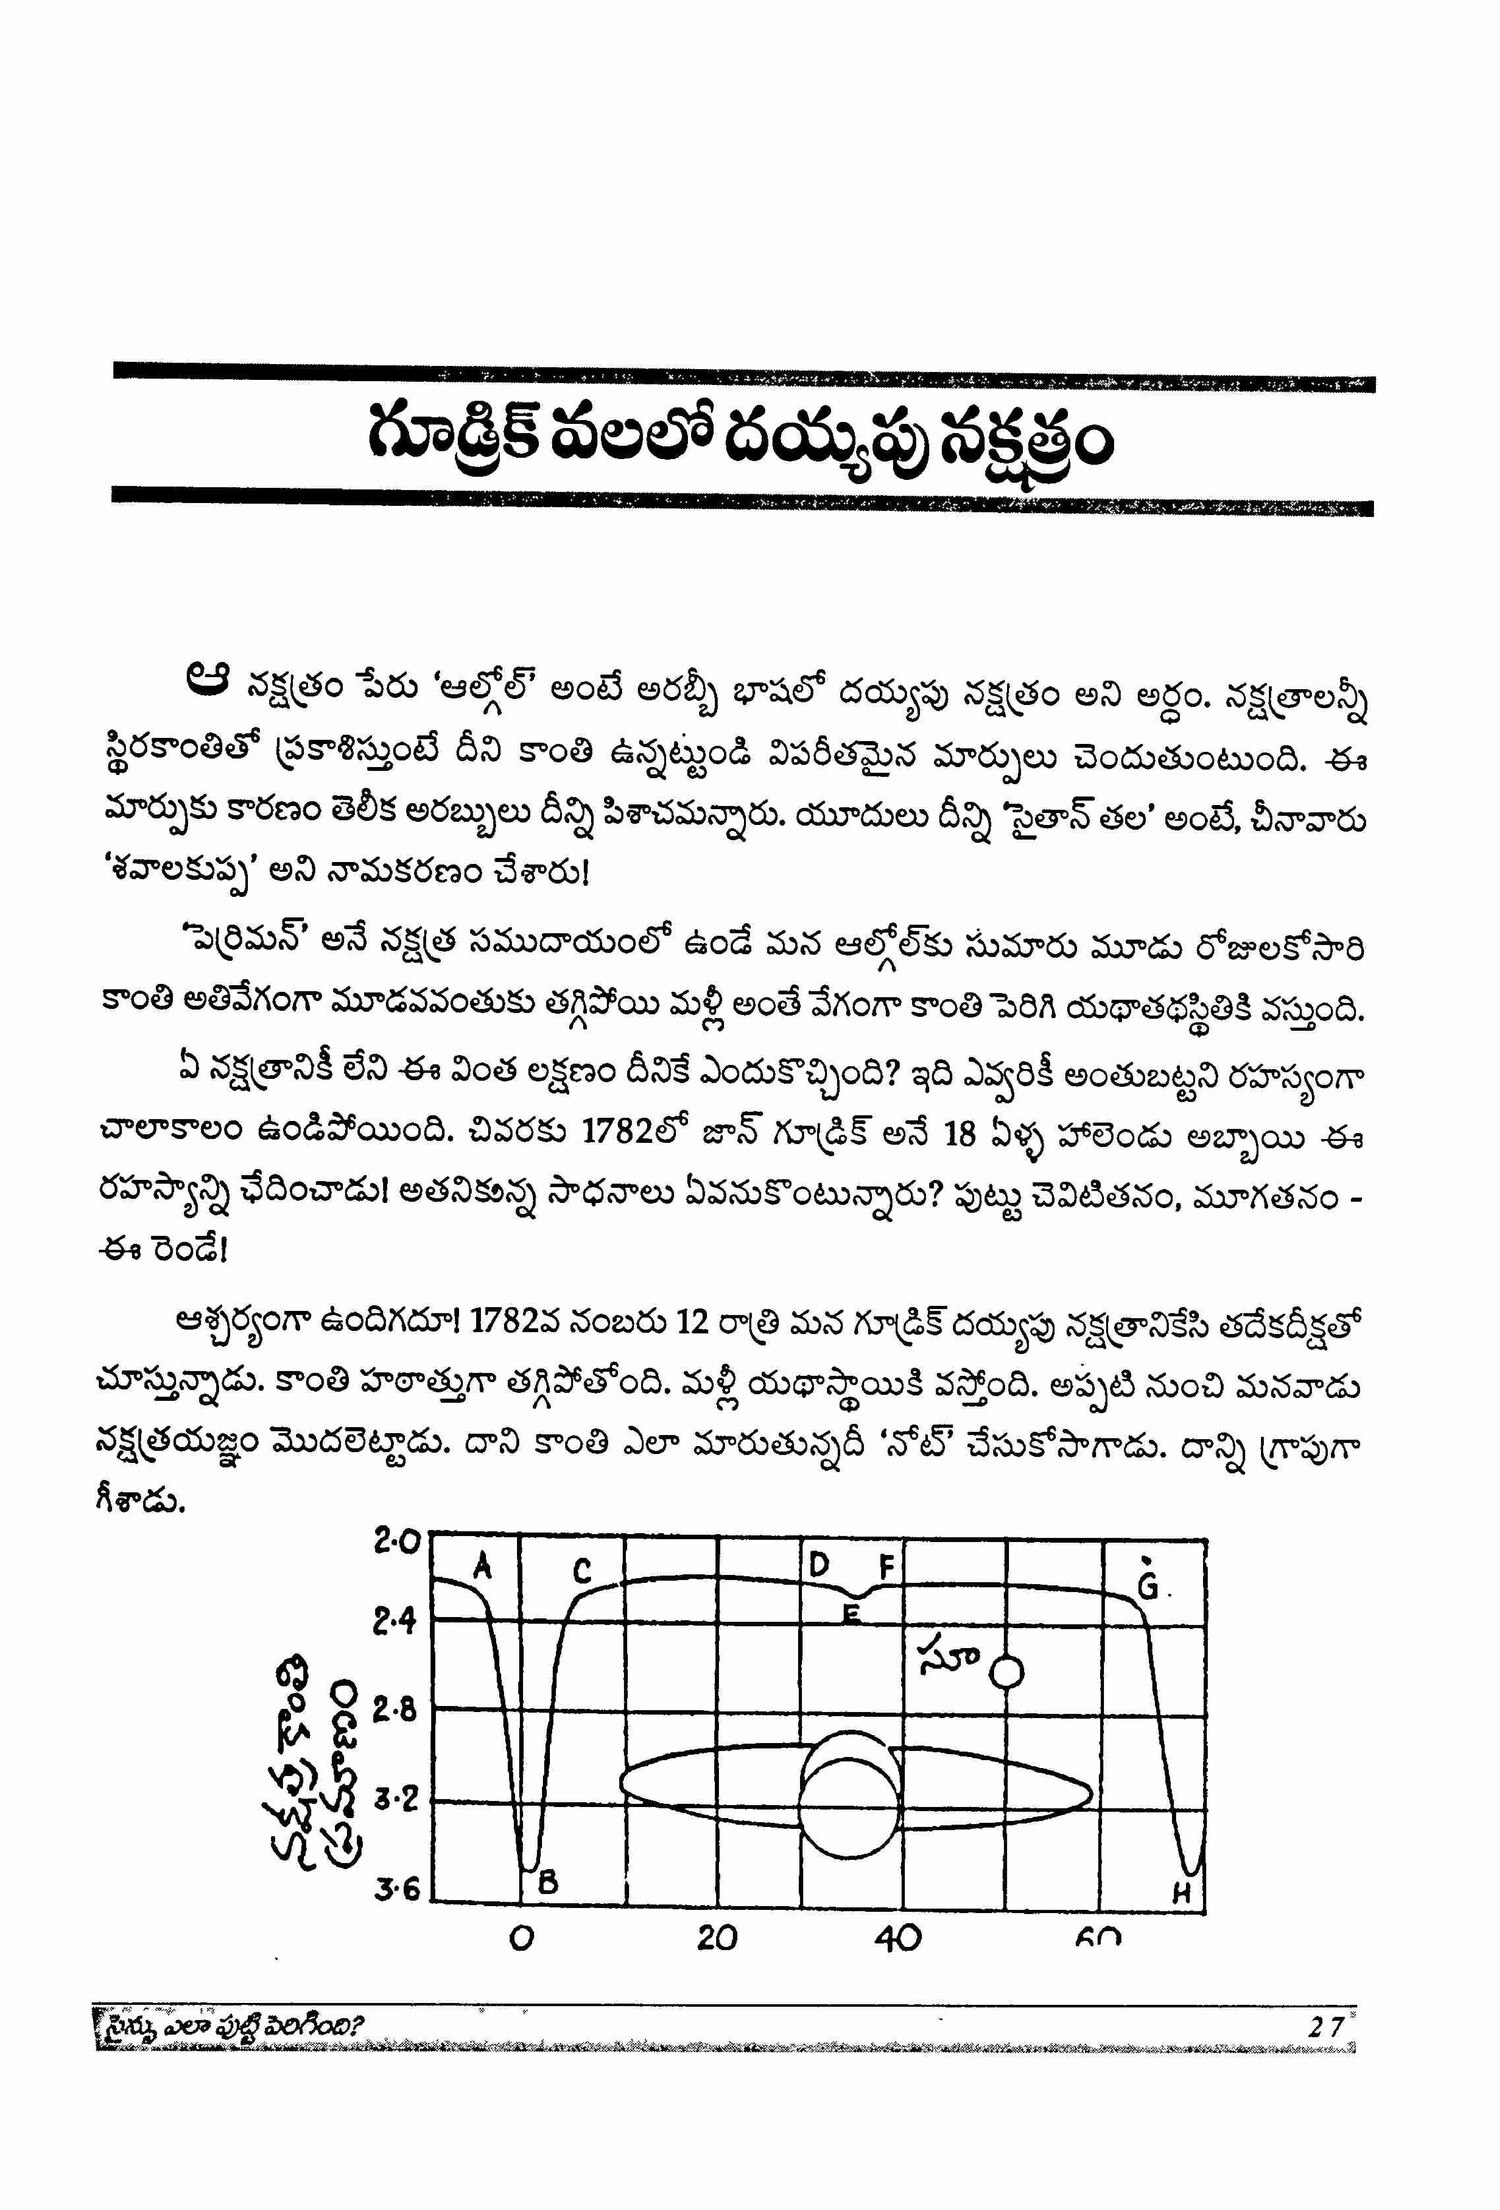గూడ్రిక్ వలలో దయ్యపు నక్షత్రం

ఆ నక్షత్రం పేరు 'ఆల్గోల్' అంటే అరబ్బీ భాషలో దయ్యపు నక్షత్రం అని అర్ధం. నక్షత్రాలన్నీ స్థిరకాంతితో ప్రకాశిస్తుంటే దీని కాంతి ఉన్నట్టుండి విపరీతమైన మార్పులు చెందుతుంటుంది. ఈ మార్పుకు కారణం తెలీక అరబ్బులు దీన్ని పిశాచమన్నారు. యూదులు దీన్ని 'సైతాన్ తల అంటే, చీనావారు 'శవాలకుప్ప' అని నామకరణం చేశారు!

'పెర్రిమన్' అనే నక్షత్ర సముదాయంలో ఉండే మన ఆల్గోల్‌కు సుమారు మూడు రోజులకోసారి కాంతి అతివేగంగా మూడవవంతుకు తగ్గిపోయి మళ్లీ అంతే వేగంగా కాంతి పెరిగి యథాతథస్థితికి వస్తుంది.

ఏ నక్షత్రానికీ లేని ఈ వింత లక్షణం దీనికే ఎందుకొచ్చింది? ఇది ఎవ్వరికీ అంతుబట్టని రహస్యంగా చాలాకాలం ఉండిపోయింది. చివరకు 1782లో జాన్ గూడ్రిక్ అనే 18 ఏళ్ళ హాలెండు అబ్బాయి ఈ రహస్యాన్ని ఛేదించాడు! అతనికున్న సాధనాలు ఏవనుకొంటున్నారు? పుట్టు చెవిటితనం, మూగతనం - ఈ రెండే!

ఆశ్చర్యంగా ఉందిగదూ! 1782వ నంబరు 12 రాత్రి మన గూడ్రిక్ దయ్యపు నక్షత్రానికేసి తదేకదీక్షతో చూస్తున్నాడు. కాంతి హఠాత్తుగా తగ్గిపోతోంది. మళ్లీ యథాస్థాయికి వస్తోంది. అప్పటి నుంచి మనవాడు నక్షత్రయజ్ఞం మొదలెట్టాడు. దాని కాంతి ఎలా మారుతున్నదీ 'నోట్' చేసుకోసాగాడు. దాన్ని గ్రాపుగా గీశాడు.